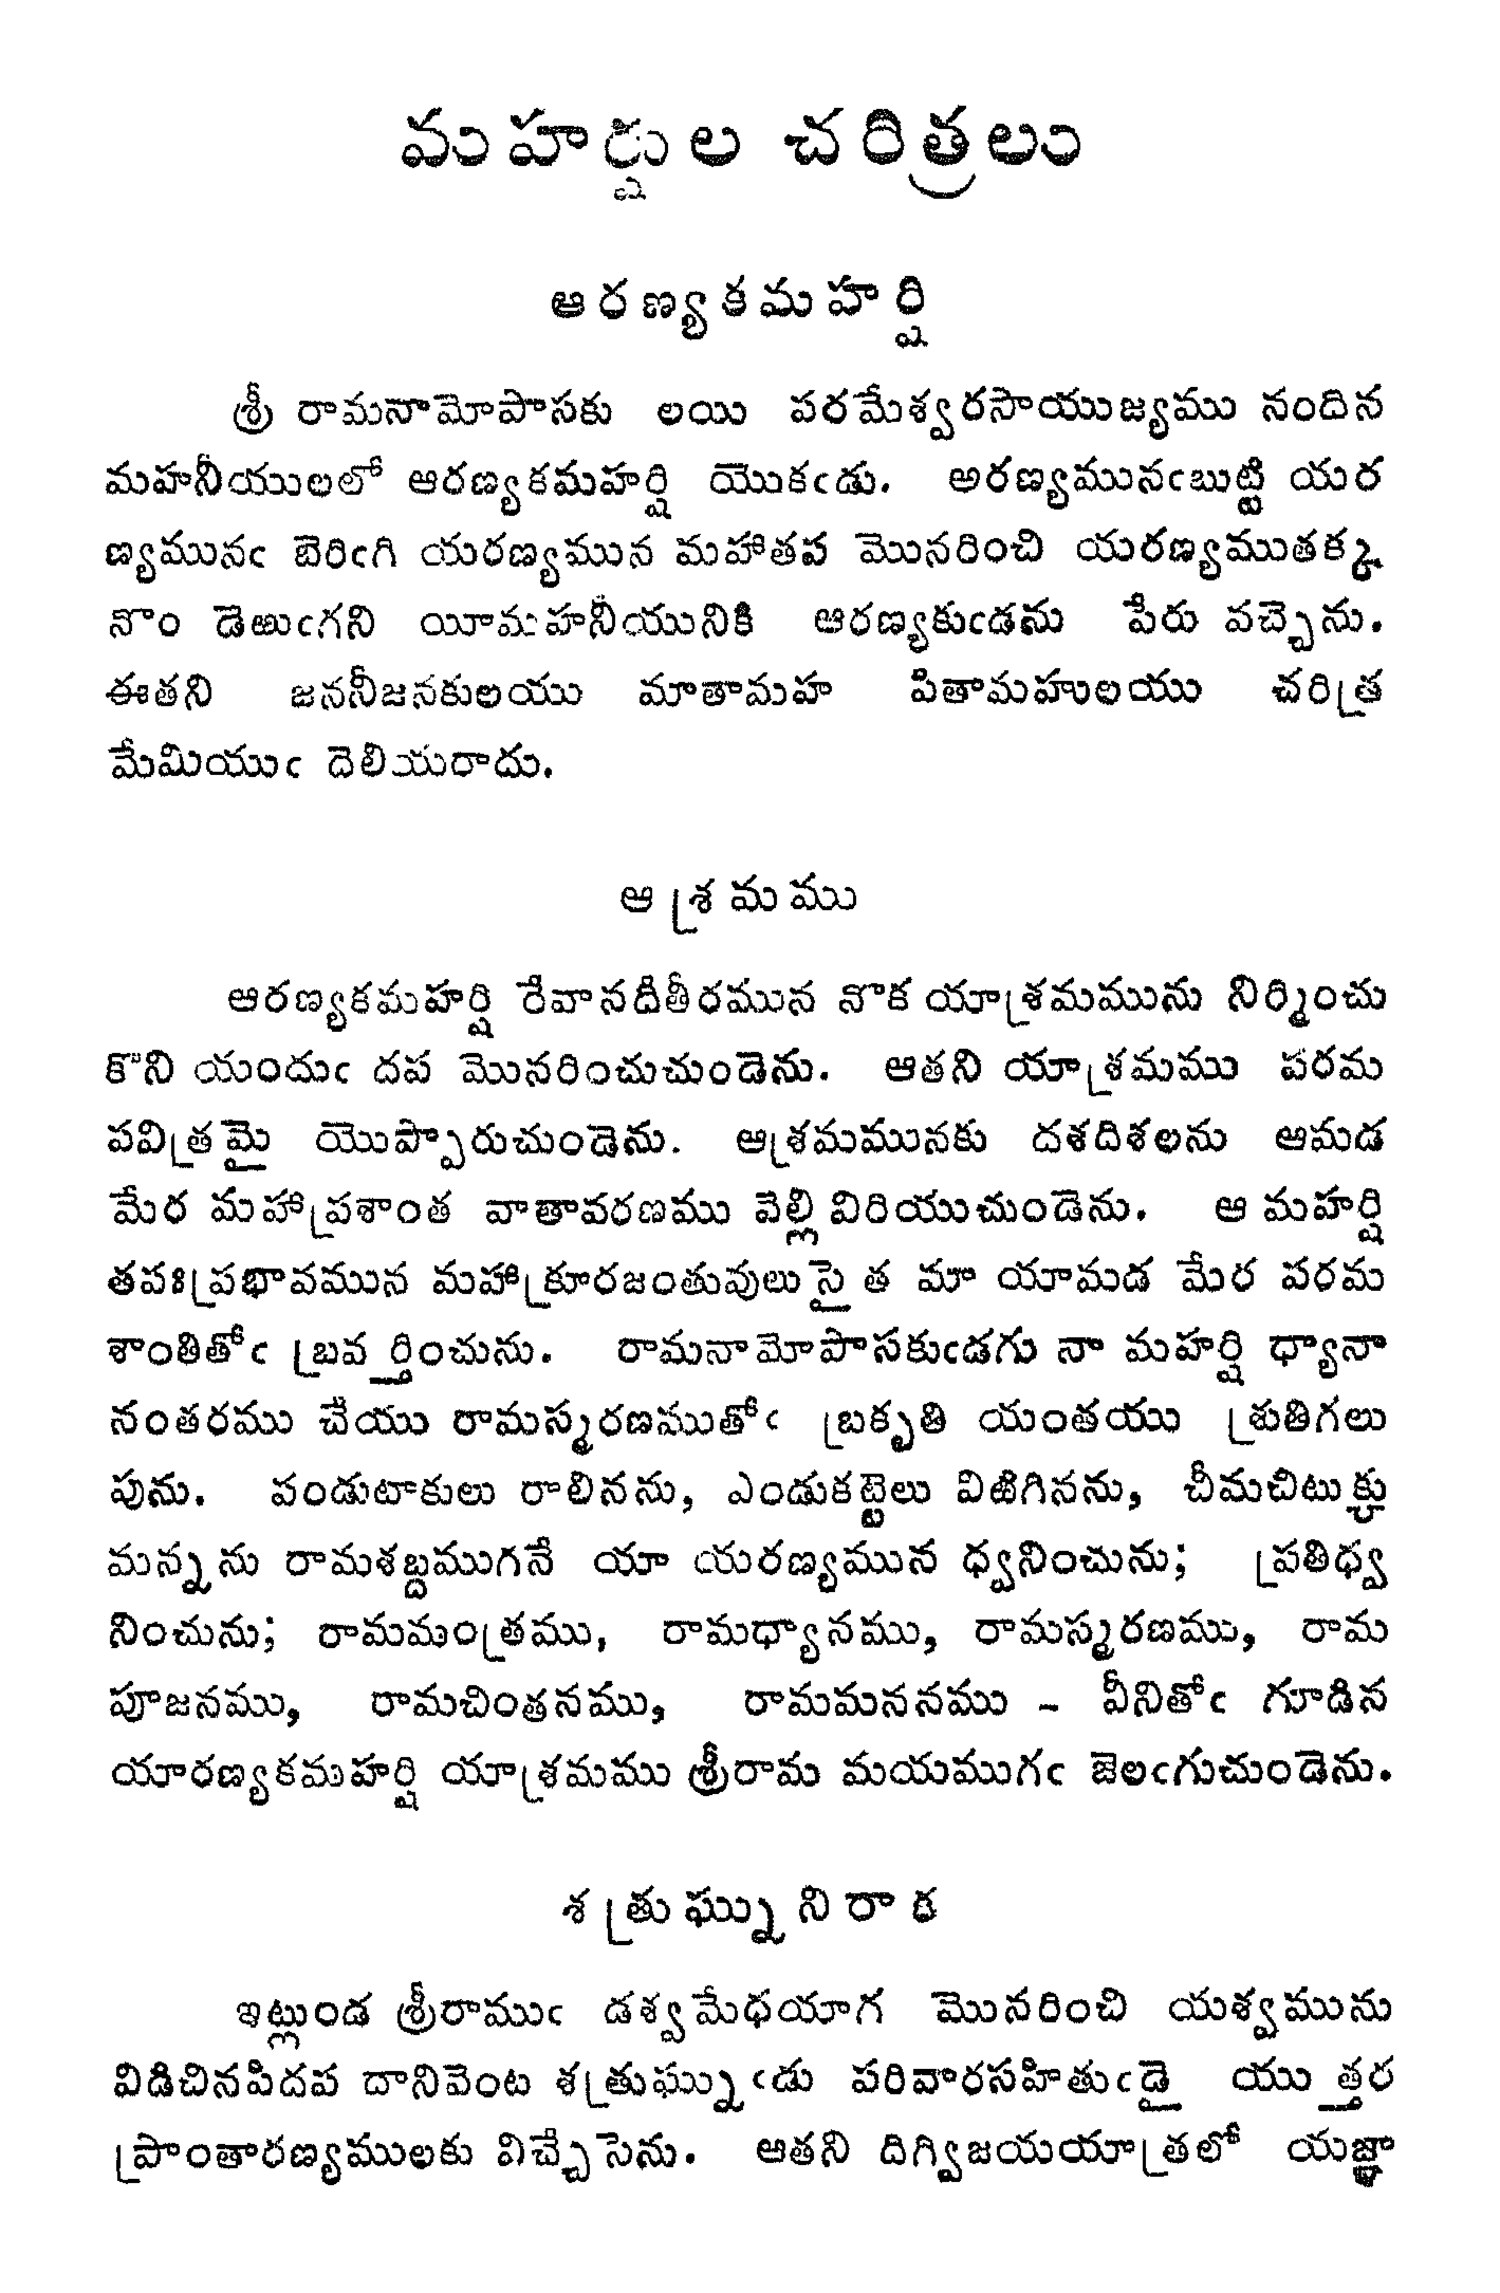శ్రీ రామనామోపాసకు లయి పరమేశ్వరసాయుజ్యము నందిన మహనీయులలో ఆరణ్యకమహర్షి యొకఁడు. అరణ్యమునబుట్టు యరణ్యమున బెరిగి యరణ్యమున మహాతప మొనరించి యరణ్యము తక్క నొం డెఱుగని ఈ మహనీయునికి అరణ్యకుడను పేరు వచ్చెను. ఈతని జననీజనకులయు మాతామహ పితామహులయు చరిత్ర మేమియు దెలియరాదు.

ఆరణ్యక మహర్షి రేవానదీ తీరమున నొక యాశ్రమమును నిర్మించు కొని యందు దప మొనరించు చుండెను. అతని యాశ్రమము పరమ పవిత్రమై యొప్పారు చుండెను. అశ్రమమునకు దశదిశలను ఆమడ మేర మహా ప్రశాంత వాతావరణము వెల్లి విరియు చుండెను. ఆ మహర్షి తపః ప్రభావమున మహాక్రూర జంతువులు సైతమా యామడ మేర పరమ శాంతితో బ్రవర్తించును. రామనామోపాసకుడగు నా మహర్షి ధ్యానానంతరము చేయు రామ స్మరణముతో ప్రకృతి యంతను శ్రుతిగలుపును. పండుటాకులు రాలినను, ఎండు కట్టెలు విఱిగినను, చీమ చిటుక్కు మన్నను రామ శబ్దముగనే యా మయరణ్యమున ధ్వనించును; ప్రతి ధ్వనించును; రామ మంత్రము, రామ ధ్యానము, రామ స్మరణము, రామ పూజనము, రామ చింతనము, రామ మననము - వీనితో కూడిన యారణ్యకమహర్షి యాశ్రమము శ్రీ రామ మయముగ జెలగు చుండెను.

ఇట్లుండ శ్రీరాము డశ్వమేధయాగ మొనరించి యశ్వమును విడిచిన పిదప దానివెంట శత్రుఘ్నుడు పరివార సహితుడై యుత్తర ప్రాంతారణ్యములకు విచ్చేసెను. అతని దిగ్విజయయాత్రలో యజ్ఞా